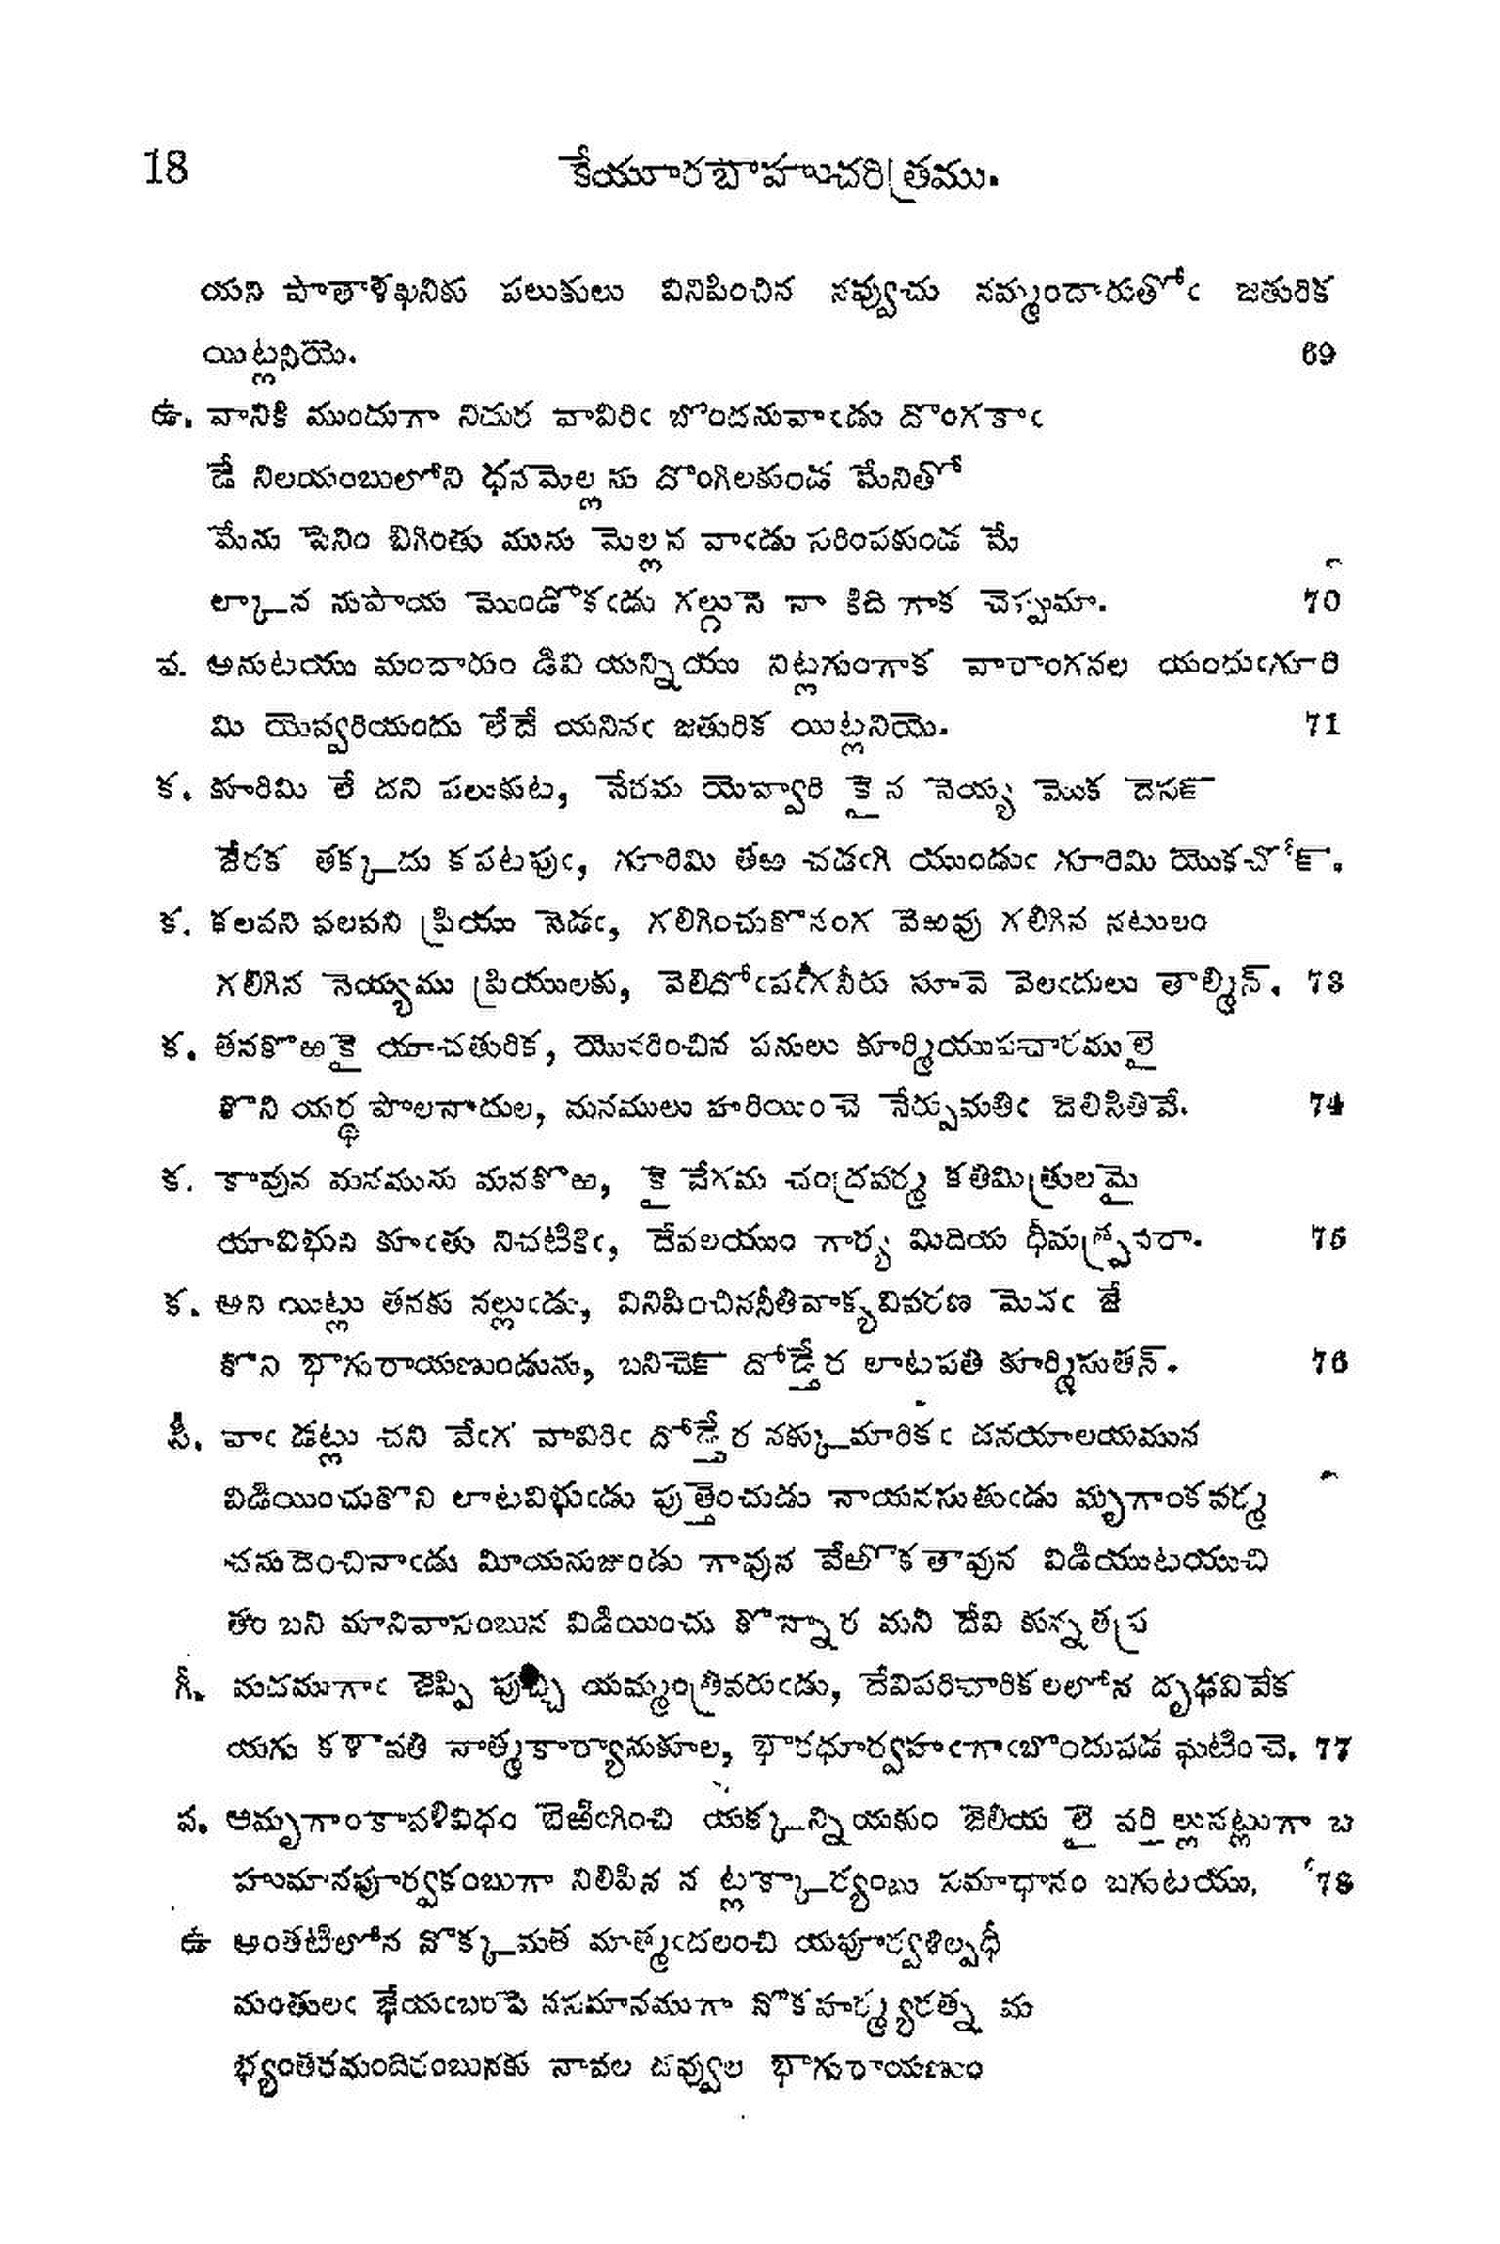యని పాతాళఖనికు పలుకులు వినిపించిన నవ్వుచు నమ్మందారుతోఁ జతురిక
 యిట్లనియె.
ఉ. వానికి ముందుగా నిదుర వావిరిఁ బొందనువాడు దొంగకాఁ
 డే నిలయంబులోని ధనమెల్లను దొంగిలకుండ మేనితో
 మేను పెనిం బిగిండు మును మెల్లన వాఁడు సరింపకుండ మే
 ల్కాన నుపాయ మొండొకఁడు గల్గునె నా కిది గాక చెప్పుమా.
వ. అనుటయు మందారుం డివి యన్నియు నిట్లగుంగాక వారాంగనల యందుఁగూరి
 మి యెవ్వరియందు లేదే యనినఁ జతురిక యిట్లనియె.
క. కూరిమి లేదని పలుకుట, నేరమ యెవ్వారి కైన నెయ్య మొకదెసన్
 జేరక తక్కదు కపటపుఁ, గూరిమి తఱ చడఁగి యుండుఁ గూరిమి యొకచోన్.
క. కలవని వలవని ప్రియు నెడఁ, గలిగించుకొనంగ వెఱవు గలిగిన నటులం
 గలిగిన నెయ్యము ప్రియులకు, వెలిదోఁపగనీరు సూవె వెలఁదులు తాల్మిన్.
క. తనకొఱకై యాచతురిక, యొనరించిన పనులు కూర్మియుపచారము లై
కొని యర్థపాలనాదుల, మనములు హరియించె నేర్పుమతిఁ దెలిసితివే.
క. కావున మనమును మనకొఱ, కై వేగమ చంద్రవర్మ కతిమిత్రులమై
 యావిభుని కూఁతు నిచటికిఁ, దేవలయుం గార్య మిదియ ధీమత్ప్రవరా.
క. అని యిట్లు తనకు నల్లుఁడు, వినిపించిననీతివాక్యవివరణ మెదఁ జే
 కొని భాగురాయణుండును, బనిచెన్ దోడ్తేర లాటపతి కూర్మిసుతన్.
సీ. వాఁ డట్లు చని వేఁగ వావిరిఁ దోడ్తేర నక్కుమారికఁ దనయాలయమున
 విడియించుకొని లాటవిభుఁడు పుత్తెంచుడు నాయనసుతుఁడు మృగాంకవర్మ
 చనుదెంచినాఁడు మీయనుజుండు గావున వేఱొకతావున విడియుట యుచి
 తం బని మానివాసంబున విడియించుకొన్నార మని దేవి కున్నతప్ర
గీ. మదముగాఁ జెప్పి పుచ్చి యమ్మంత్రివరుఁడు, దేవిపరిచారికలలోన దృఢవివేక
 యగు కళావతి నాత్మకార్యానుకూల, భారధూర్వహఁగాఁ బొందుపడ ఘటించె.
వ. అమ్మృగాంకావళి విధం బెఱిఁగించి యక్కన్నియకుం జెలియ లై వర్తిల్లునట్లుగా బ
 హుమానపూర్వకంబుగా నిలిపిన న ట్లక్కార్యంబు సమాధానం బగుటయు.
ఉ. అంతటిలోన నొక్కమత మాత్మఁదలంచి యపూర్వశిల్పధీ
 మంతులఁ జేయఁబంపె నసమానముగా నొకహర్మ్యరత్న మ
 భ్యంతరమందిరంబునకు నావల దవ్వుల భాగురాయణుం